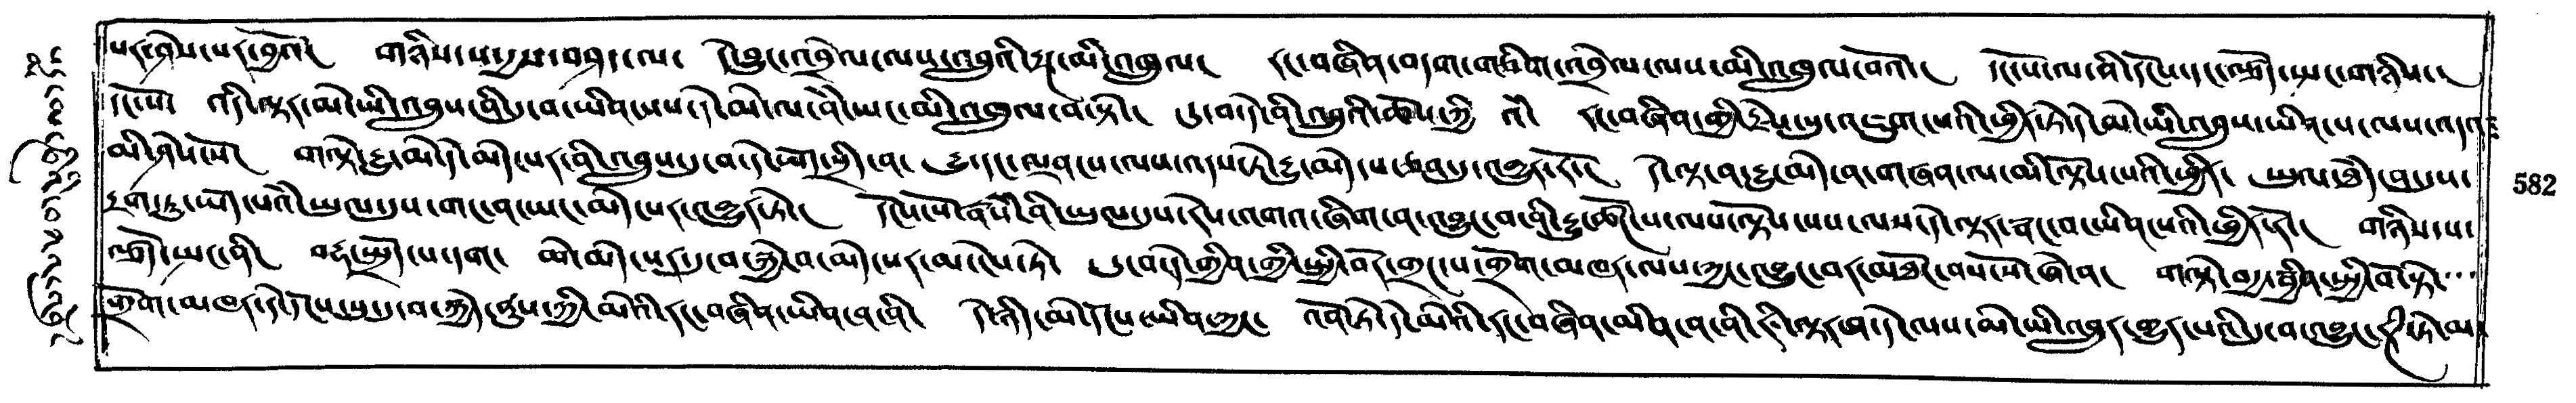པར་ཤེས་པར་བྱའོ།། གཉིས་པ་རྒྱས་བཤད་ལ། དེ་བྱུང་འབྲེལ་ལས་འབྲས་བུའི་རྟགས་མི་འཁྲུལ། །རང་བཞིན་བདག་གཅིག་འབྲེལ་ལས་མི་འཁྲུལ་བའོ། །དང་པོ་ལ་ནི་དངོས་དང་རྩོད་སྤོང་གཉིས། །
དང་པོ། འདི་ལྟར་མེའི་འབྲས་བུ་ནི་དུ་བ་ཡིན་པས་དེ་མེ་ལ་ནམ་ཡང་མི་འཁྲུལ་བ་སྟེ། དུ་བ་དེ་ནི་འབྲས་བུའི་ཆོས་ཀྱིའམ། རང་བཞིན་གྱི་རྗེས་སུ་འཇུག་པའི་ཕྱིར་ཏེ་དེ་མེའི་འབྲས་བུ་ཡིན་པ་ལས་འདའ་
མི་ཤེས་སོ།། གལ་ཏེ་རྒྱུ་མེ་དེ་མེད་པར་ནི་འབྲས་བུ་དུ་བ་དེ་ཡོད་སྲིད་ན། རྒྱུ་དང་ལྡན་པ་ལས་འདས་ཏེ་རྒྱུ་མེད་པ་ཅན་དུ་འགྱུར་རོ།། དེ་ལྟ་ན་རྒྱུ་མེད་ན་གཞན་ལ་མི་ལྟོས་པའི་ཕྱིར། ཡུལ་ཐམས་ཅད་ན་དུས་
རྟག་ཏུ་ཡོད་པའམ་ཡུལ་དུས་གང་ན་ཡང་མེད་པར་འགྱུར་ཏེ། དངོས་པོ་རྣམས་ནི་ཡུལ་དུས་རེས་འགའ་ཞིག་ན་འབྱུང་བ་ནི་རྒྱུ་ཚོགས་པ་ལས་ལྟོས་པ་ལས་དེ་ལྟར་སྣང་བ་ཡིན་པའི་ཕྱིར་རོ།། གཉིས་པ་
རྩོད་སྤོང་ནི། བརྡ་སྤྲོད་པ་དག མེ་མེད་པར་དུ་བ་སྐྱེ་བ་མེད་པར་མ་ངེས་ཏེ། དུ་བ་དེ་བརྒྱ་བྱིན་གྱི་སྤྱི་བོར་གྲགས་པ་གྲོག་མཁར་ལས་ཀྱང་འབྱུང་བར་མཐོང་བས་སོ་ཞེ་ན། གལ་ཏེ་བརྒྱ་བྱིན་སྤྱི་བོ་སྟེ་
གྲོག་མཁར་དེ་དངོས་སུ་དུ་བ་སྐྱེད་ནུས་ཀྱི་མེའི་རང་བཞིན་ཡིན་ན་ནི། དེ་ཉིད་མེ་དངོས་ཡིན་ཀྱང་། འོན་ཏེ་དེ་མེའི་རང་བཞིན་མིན་ན་ནི་ཇི་ལྟར་ན་དེ་ལས་མེའི་འབྲས་བུར་གྱུར་པའི་དུ་བ་འབྱུང་རིགས་ཏེ་མ་